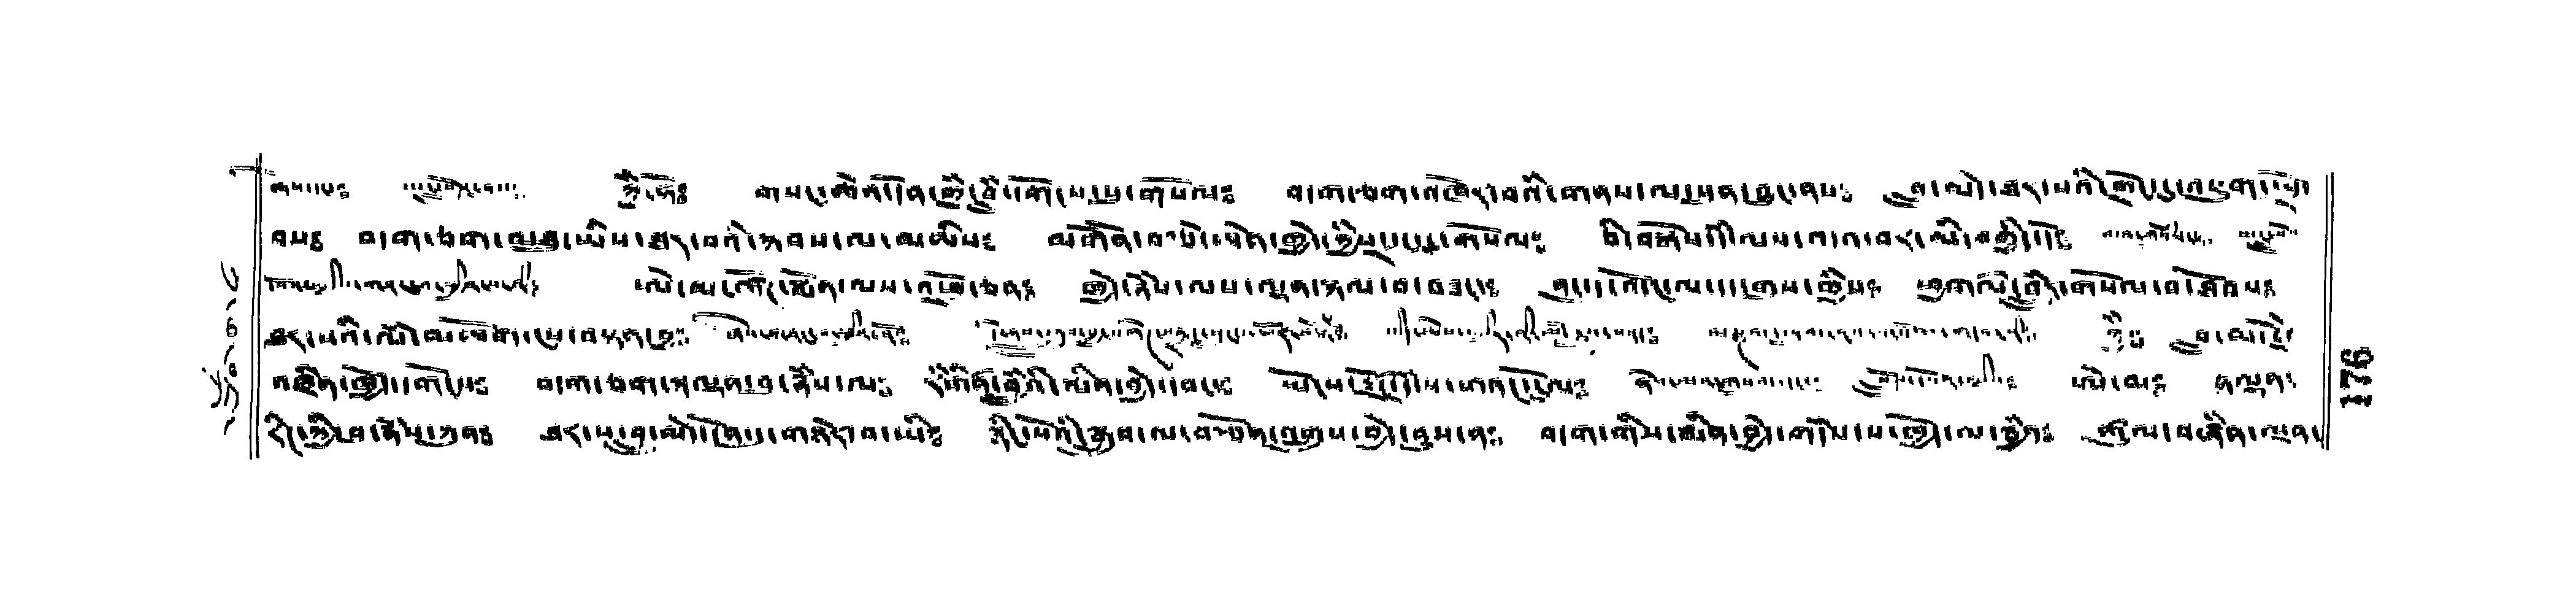ཞེས་དང༔ ཡང་སློབ་བུས༔ ཀྱཻ་ཧོ༔ གསང་ཆེན་དོན་གྱི་བླ་མ་དགོངས་སུ་གསོལ༔ བདག་ཅག་འཁོར་བའི་གནས་ལ་སུན་ཕྱུང་ནས༔ བླ་མེད་ཐར་པའི་གྲོང་དུ་འཇུག་སྤྲོ་
བས༔ བདག་ཅག་མཐུ་ཡིས་ཐར་བའི་སྐབས་མ་མཆིས༔ མགོན་པོ་བརྩེ་ཆེན་ཁྱེད་ཀྱིས་དྲང་དུ་གསོལ༔ ཅི་བསྒོས་དམ་ལས་འདའ་བར་མི་བགྱིད་དོ༔ ལན་གསུམ་དང༔ ཡང་སློབ་
དཔོན་གྱི་གནང་བ་སྦྱིན་པ་ནི༔ ཨེ་མ་ཚོགས་སྨོན་ལས་འཕྲོ་ཅན༔ ཁྱེད་རྣམས་ལས་ལྡན་སྐལ་བ་བཟང༔ ནང་དུ་འདོང་ལ་དད་གུས་གྱིས༔ ཕྱག་འཚལ་བླ་མར་གསོལ་བ་ཐོབ༔ 
ཐར་པའི་ལམ་མཆོག་ངས་བསྟན་བྱ༔ ཞེས་གནང་བ་སྦྱིན་ནོ༔ དེ་ནས་ཁྲུས་བྱ་བགེགས་བསྐྲད་སྲུང་འཁོར་བསྒོམ༔ཡིད་ཆེས་ཕྱིར་ནི་ལོ་རྒྱུས་བཤད༔ མཎྜལ་ཕུལ་ནས་གསོལ་གདབ་ནི༔ ཀྱཻ༔ བླ་མ་རྡོ་
རྗེ་འཛིན་ཁྱོད་དགོངས༔ བདག་ཅག་སྐལ་ལྡན་བུ་རྣམས་ལ༔ རིག་འཛིན་བླ་མའི་སྨིན་བྱེད་དབང༔ ཡོངས་རྫོགས་དམ་པ་གནང་དུ་གསོལ༔ ཞེས་ལན་གསུམ་དང༔ སློབ་དཔོན་གྱིས༔ ཨེ་མ་ སྐལ་ལྡན་
རིགས་ཀྱི་བུ་རྣམས་ཀུན༔ ཐར་པ་བླ་མེད་དོན་དུ་གཉེར་བ་ཡི༔ སྙིང་པོའི་སྒྲུབ་ལ་བརྩོན་འགྲུབ་བྱེད་ནུས་ན༔ བདག་གིས་སྨིན་བྱེད་གདམས་པ་ཁྱོད་ལ་སྦྱིན༔ ཚུལ་བཞིན་ལྡན་